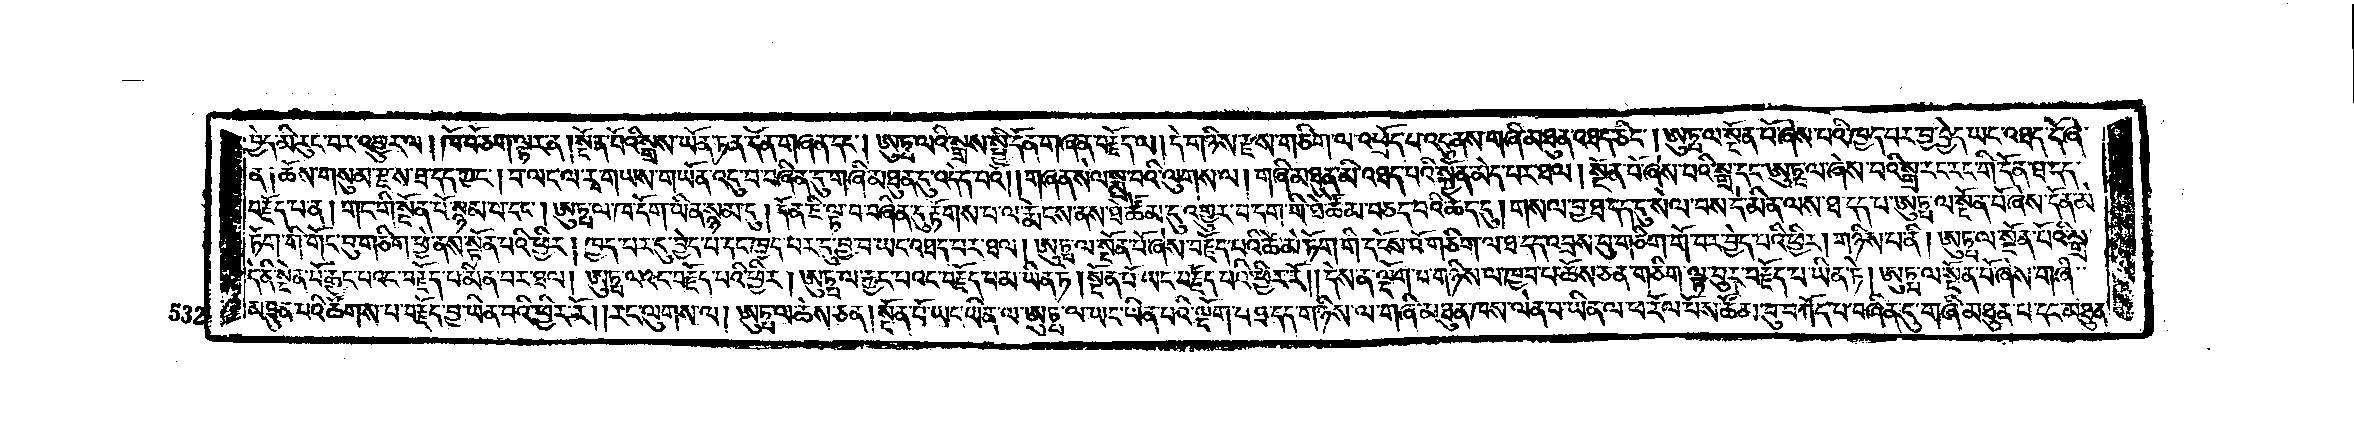བྱེ་མི་རུང་བར་འགྱུར་ལ། ཁོ་བོ་ཅག་ལྟར་ན། སྔོན་པོའི་སྒྲས་ཡོན་ཏན་དོན་གཞན་དང་། ཨུཏཔ་ལའི་སྒྲས་སྤྱི་དོན་གཞན་བརྗོད་ལ། དེ་གཉིས་རྫས་གཅིག་ལ་འཕྲོད་པ་འདུ་ནས་གཞི་མཐུན་འཐད་ཅིང་། ཨུཏཔ་ལ་སྔོན་པོ་ཞེས་པའི་ཁྱད་པར་བྱ་བྱེད་ཡང་འཐད་དོ་ཞེ་
ན༑ ཆོས་གསུམ་རྫས་ཐ་དད་ཀྱང་། བ་ལང་ལ་རྭ་གཡས་གཡོན་འདུ་བ་བཞིན་དུ་གཞི་མཐུན་དུ་འདོད་པའོ། །གཞན་སེལ་སྨྲ་བའི་ལུགས་ལ། གཞི་མཐུན་མི་འཐད་པའི་སྐྱོན་མེད་པར་ཐལ། སྔོན་པོ་ཞེས་པའི་སྒྲ་དང་ཨུཏཔ་ལ་ཞེས་པའི་སྒྲ་རང་རང་གི་དོན་ཐ་དད་
བརྗོད་པ་ན། གང་གི་སྔོན་པོ་སྙམ་པ་དང་། ཨུཏཔ་ལ་ཁ་དོག་ཡིན་སྙམ་དུ། དོན་ཇི་ལྟ་བ་བཞིན་དུ་རྟོགས་པ་ལ་རྨོངས་ནས་ཐེ་ཚོམ་དུ་འགྱུར་བ་དག་གི་ཚེ་ཚོམ་བཅད་པའི་ཆེད་དུ། གསལ་བྱ་ཐ་དད་དུ་སེལ་བས་དེ་མིན་ལས་ཐ་དད་པ་ཨུཏཔ་ལ་སྔོན་པོ་ཞེས་དོན་མེ་
ཏོག་གི་གོང་བུ་གཅིག་ཕྱེ་ནས་སྟོན་པའི་ཕྱིར། ཁྱད་པར་དུ་བྱེད་པ་དང་ཁྱད་པར་དུ་བྱ་བ་ཡང་འཐད་པར་ཐལ། །ཨུཏཔ་ལ་སྔོན་པོ་ཞེས་བརྗོད་པའི་ཚེ་མེ་ཏོག་གི་དངོས་པོ་གཅིག་ལ་ཐ་དད་འབྲས་བུ་གཅིག་གོ་བར་བྱེད་པའི་ཕྱིར། གཉིས་པ་ནི། ཨུཏཔ་ལ་སྔོན་པོའི་སྒྲ་
དེ་ནི་སྔོན་པོ་རྒྱང་བའང་བརྗོད་པ་མིན་པར་ཐལ། ཨུཏཔ་ལ་རྐྱང་པའང་བརྗོད་པ་མ་ཡིན་ཏེ། སྔོན་པོ་ཡང་བརྗོད་པའི་ཕྱིར་རོ། །དེས་ན་ལྡོག་པ་གཉིས་ལ་ཁྱབ་པ་ཆོས་ཅན་གཅིག་ལྟ་བུར་བརྗོད་པ་ཡིན་ཏེ། ཨུཏཔ་ལ་སྔོན་པ་ཞེས་གཞི་
མཐུན་པའི་ཚོགས་པ་བརྗོད་བྱ་ཡིན་པའི་ཕྱིར་རོ། །རང་ལུགས་ལ། ཨུཏཔ་ཆོས་ཅན། སྔོན་པོ་ཡང་ཡིན་ལ་ཨུཏཔ་ལ་ཡང་ཡིན་པའི་ལྡོག་པ་ཐ་དད་གཉིས་ལ་གཞི་མཐུན་ཁས་ལེན་པ་ཡིན་ལ་ཕ་རོལ་པོས་ཚོམ་བུ་བཀོད་པ་བཞིན་དུ་གཞི་མཐུན་པ་དང་མཐུན་